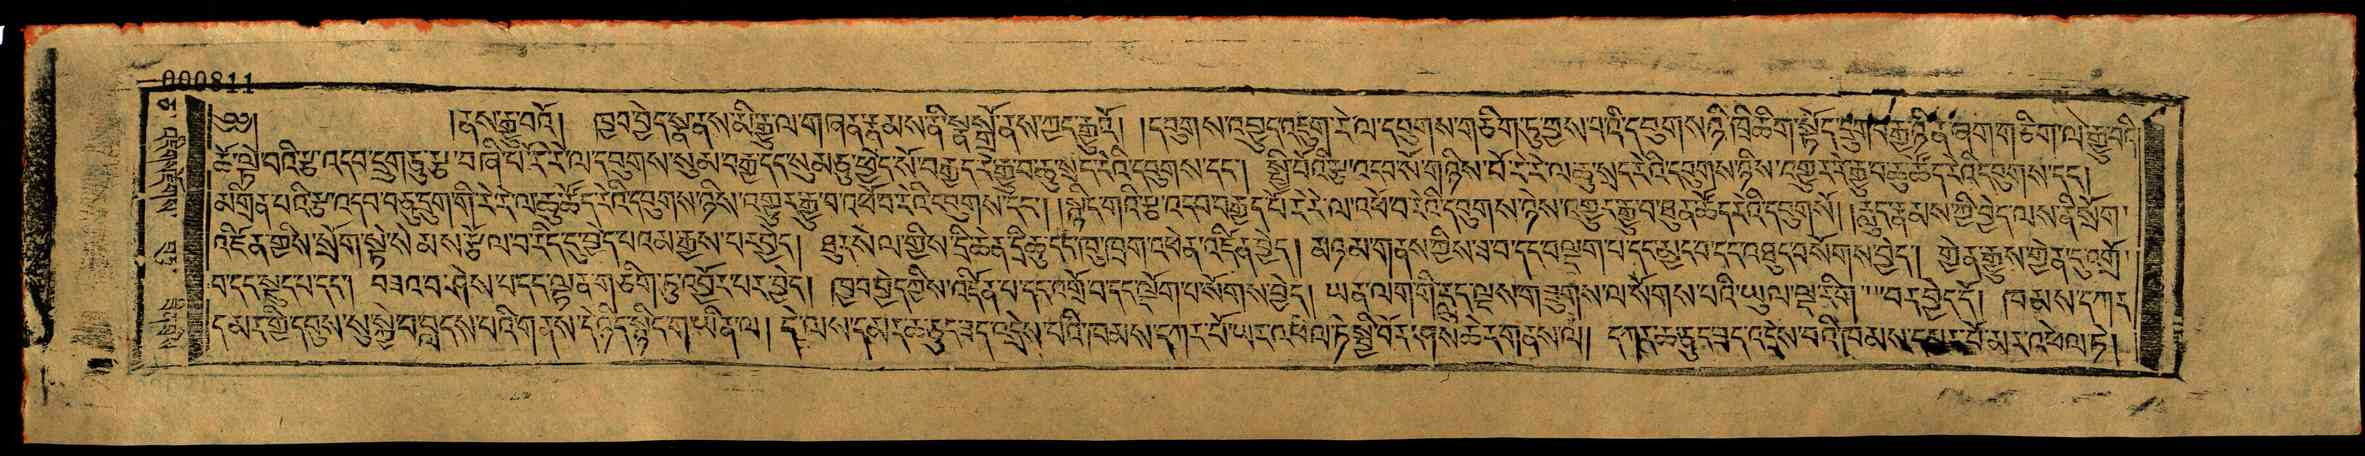༄༅། །ནས་རྒྱ་བའོ། ཁྱབ་བྱེད་སྣ་ནས་མི་རྒྱུ་ལ་གཞན་རྣམས་ནི་སྣ་སྒོ་ནས་ཀྱང་རྒྱུའོ། །དབུགས་འབྱུང་འཇུག་རེ་ལ་དབུགས་གཅིག་ཏུ་བྱས་པའི་དབུགས་ཉི་ཁྲི་ཆིག་སྟོང་དྲུག་བརྒྱ་ཉིན་ཞག་གཅིག་ལ་རྒྱུ་བའི་
ཚེ་ལྟེ་བའི་རྩ་འདབ་དྲུག་ཅུ་རྩ་བཞི་པོ་རེ་རེ་ལ་དབུགས་སུམ་བརྒྱ་དང་སུམ་ཅུ་ཕྱེང་སོ་བརྒྱད་རེ་རྒྱུ་བ་ཆུ་སྲང་རེའི་དབུགས་དང་། སྤྱི་བོའི་རྩ་འདབ་སོ་གཉིས་པོ་རེ་རེ་ལ་ཆུ་སང་རེའི་དབུགས་ཉིས་འགྱུར་རེ་རྒྱུ་བ་ཆུ་ཚོད་རེའི་དབུགས་དང་།
མགྲིན་པའི་རྩ་འདབ་བཅུ་དྲུག་གི་རེ་རེ་ལ་ཆུ་ཚོད་རེའི་དབུགས་ཉིས་འགྱུར་རྒྱུ་བ་འཕོ་བ་རེའི་དབུགས་དང་། སྙིང་གའི་རྩ་འདབ་བརྒྱད་པོ་རེ་རེ་ལ་འཕོ་བ་རིའི་དབུགས་ཉིས་འགྱུར་རྒྱུ་བ་ཐུན་ཚོད་རེའི་དབུགས་སོ། །རླུང་རྣམས་ཀྱི་བྱེད་ལས་ནི་སྲོག་
འཛིན་གྱིས་སྲོག་སྟེ་སེམས་རྩལ་བ་རིང་དུ་བྱེད་པའམ་རྒྱས་པར་བྱེད། ཐུར་སེལ་གྱིས་དྲི་ཆེན་དྲི་ཆུ་དང་ཁུ་ཁྲག་འཕེན་འཛིན་བྱེད། མཉམ་གནས་ཀྱིས་ཟ་བ་དང་བལྡག་པ་དང་མྱང་བ་དང་འཐུང་བ་སོགས་བྱེད། གྱེན་རྒྱུས་གྱེན་དུ་འགྲོ་
བ་དང་སྡུད་པ་དང་། བཟའ་བ་ཤེས་པ་དང་ལྷན་གཅིག་ཏུ་འབྱོར་པར་བྱེད། ཁྱབ་བྱེད་ཀྱིས་འཛིན་པ་དང་འགྲོ་བ་དང་ལྡོག་པ་སོགས་བྱེད། ཡན་ལག་གི་རླུང་ལྔས་གཟུགས་ལ་སོགས་པའི་ཡུལ་ལྔ་རིག་པར་བྱེད་དོ། ཁམས་དཀར་
དམར་གྱི་དབུས་སུ་སྐྱེ་བ་བླངས་པའི་གནས་དེ་ཉིད་སྙིང་ག་ཡིན་ལ། དེ་ལས་དམར་ཆ་ཅུང་ཟད་འདྲེས་པའི་ཁམས་དཀར་པོ་ཡར་འཕེལ་ཏེ་སྤྱི་བོར་ཤས་ཆེར་གནས་ལ། དཀར་ཆ་ཅུང་ཟད་འདྲེས་པའི་ཁམས་དམར་པོ་མར་འཕེལ་ཏེ་